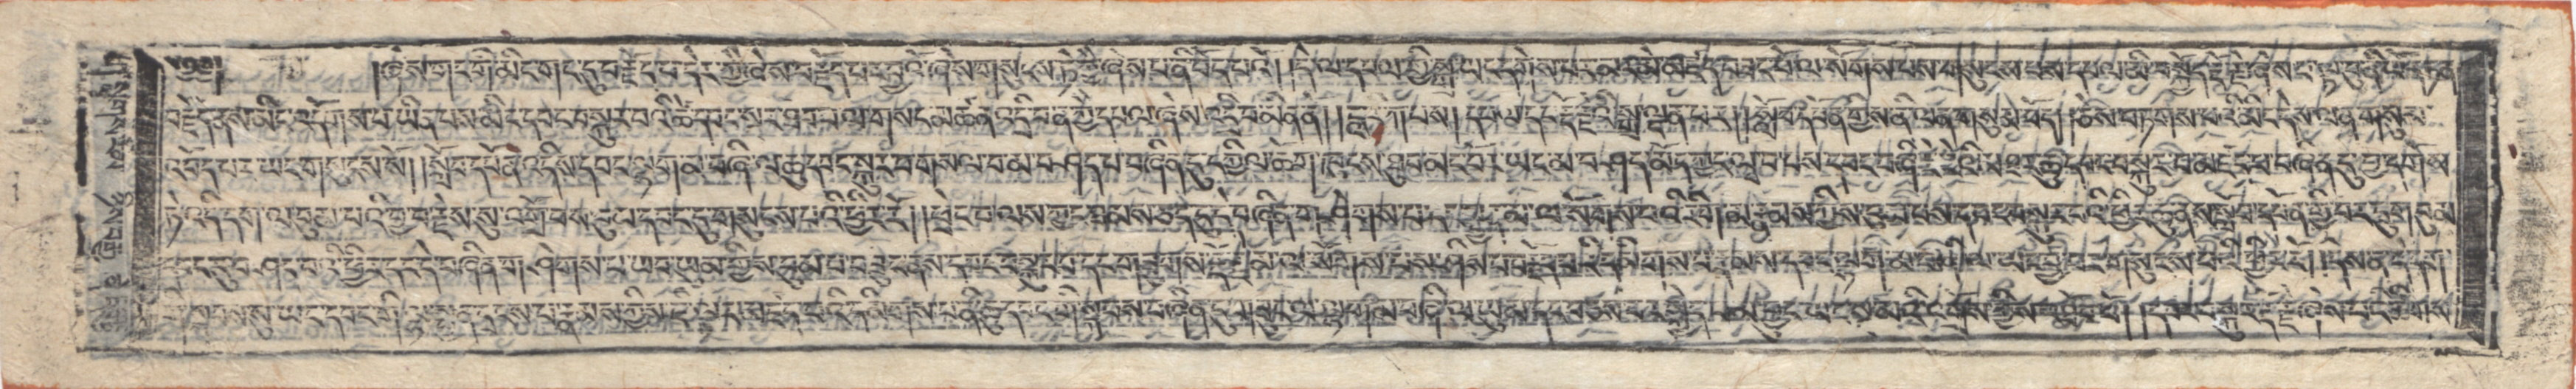༄༅། །ཞེས་གང་གི་མིང་གང་དུ་བརྗོད་པ་དེར་ཀྱཻ་ཞེས་བརྗོད་པར་བྱའོ་ཞེས་གསུངས་ཏེ་ཀྱཻ་ཞེས་པ་ནི་བོད་པའོ། །དེ་ལ་དཔལ་གྱི་སྒྲ་ཡང་དགོས་པར་མར་མེ་མཛད་བཟང་པོ་ལ་སོགས་པས་གསུངས་པས་དཔལ་མི་བསྐྱོད་རྡོ་རྗེ་ཞེས་པ་ལྟ་བུ་ནི་ཡོན་ཏན་
བརྗོད་ནས་མིང་འདོགས་པ་ཡིན་པས་མིང་དབང་བསྐུར་བའི་ཚེ་དབང་སྔར་ཐོབ་པ་ལ་གསང་མཚན་འདྲི་བ་ན་ཀྱཻ་དཔལ་ཞེས་འདྲི་བ་མིན་ནོ། །དཱ་རི་ཀ་པས། དཔལ་དང་རྡོ་རྗེའི་སྒྲ་ལྡན་པར། །སློབ་དཔོན་གྱིས་ནི་ལན་གསུམ་བོད། །ཅེས་བཏགས་པའི་མིང་དེས་ལན་གསུམ་
འབོད་པར་ཡང་གསུངས་སོ། །སློབ་དཔོན་འདིས་དབང་ལྷག་མ་བཞི་ལ་ཆུ་དབང་སྐུར་བ་གསལ་བ་མ་བཤད་པ་བཞིན་དུ་དཀྱིལ་ཆོག་ཁུངས་ཐུབ་མང་པོར་ཡང་མ་བཤད་མོད་ཀྱང་ལྭ་བ་པས་དབང་བཞི་རེ་རེའི་མཐར་ཆུ་དབང་བསྐུར་བ་མཛད་པ་བཞིན་དུ་བྱ་དགོས་
ཏེ་འདི་དག་ལ་བུམ་པའི་བྱ་བ་རྗེས་སུ་འགྲོ་བས་བུམ་དབང་དུ་གསུངས་པའི་ཕྱིར་རོ། །ཕྲེང་བ་ལས་ཀྱང་ཐམས་ཅད་དུ་དེ་བཞིན་གཤེགས་པ་དང་སྤྱན་མ་ལ་སོགས་པའི་རིག་མ་རྣམས་ཀྱིས་བུམ་པས་དབང་བསྐུར་བའི་ཕྱིར་ཆུ་ནས་སློབ་དཔོན་གྱི་བར་དྲུག་བུམ་
དབང་དུ་བཤད་པའི་ཕྱིར་དང་དེ་བཞིན་གཤེགས་པ་ཡབ་ཡུམ་གྱིས་བུམ་པ་བཟུང་ནས་དབང་བསྐུར་བ་དང་གཟུགས་རྡོ་རྗེ་མ་ལ་སོགས་པས་ཤིས་པ་བརྗོད་པའི་དམིགས་པ་རྣམས་དབང་ལྷག་མ་བཞི་ལ་ཡང་བྱ་བར་གསུངས་པའི་ཕྱིར་རོ། །དེས་ན་དེ་དག་
གི་སྐབས་སུ་ཡང་དབང་གི་ལྷ་སྤྱན་དྲངས་པ་རྣམས་ཀྱིས་ཇི་ལྟར་མཛད་པའི་དམིགས་པ་ནི་ཆུ་དབང་གི་སྐབས་བཞིན་དུ་གཟུང་ལ་ལྷག་མ་བཞི་ལ་ཡུམ་དང་བཅས་པར་སྐྱེད་པ་མ་བྱུང་ཡང་སྔ་མའི་འགྲོས་ཀྱིས་འཐོབ་བོ། །དབང་བསྐུར་རྡོ་རྗེ་ཞེས་པའི་ཚིགས་